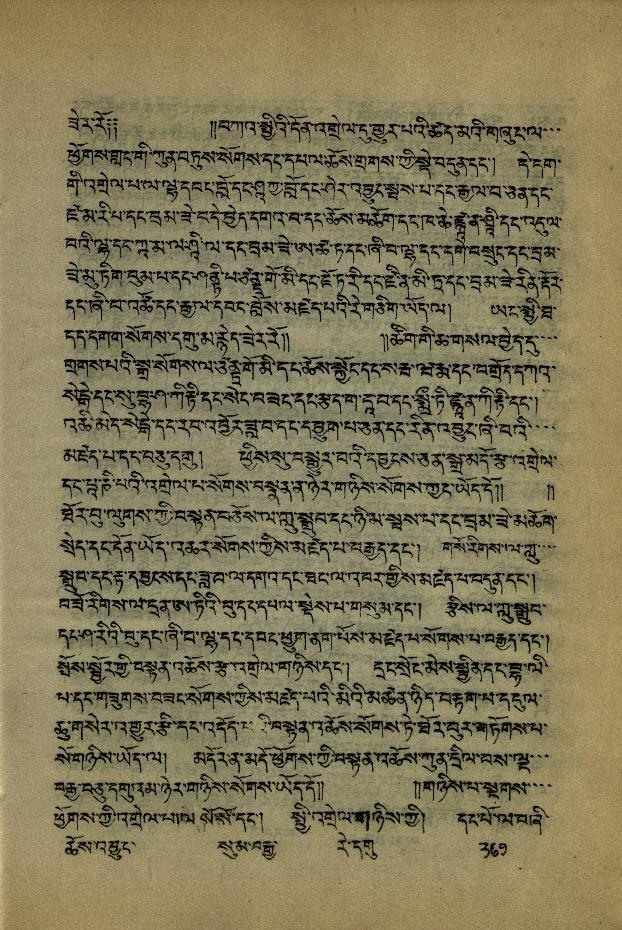ཟེར་རོ༑༑ །།བཀའ་སྤྱིའི་དོན་འགྲེལ་དུ་གྱུར་པའི་ཚད་མའི་གཞུང་ལ་
ཕྱོགས་གླང་གི་ཀུན་བཏུས་སོགས་དང་དཔལ་ཆོས་གྲགས་ཀྱི་སྡེ་བདུན་དང་། དེ་དག་
གི་འགྲེལ་པ་ལ་ལྷ་དབང་བློ་དང་ཤཱ་ཀྱ་བློ་དང་ཤེར་འབྱུང་སྤས་པ་དང་རྒྱལ་པ་ཅན་དང་
ཛ་མ་རི་པ་དང་བྲམ་ཟེ་བདེ་བྱེད་དགའ་བ་དང་ཆོས་མཆོག་དང་ཁ་ཆེ་ཛྙཱ་ན་ཤྲཱི་དང་འདུལ་
བའི་ལྷ་དང་ཀཱ་མ་ལ་ཤཱི་ལ་དང་བྲམ་ཟེ་ཨ་ཚ་ཏ་དང་ཞི་བ་ལྷ་དང་དགེ་བསྲུང་དང་བྲམ་
ཟེ་མུ་ཏིག་བུམ་པ་དང་ཤནྟི་པ་ཙནྡྲ་གོ་མི་དང་ཇོ་ཏ་རི་དང་ཛི་ན་མི་ར་དང་བྲམ་ཟེ་རིན་རྡོར་
དང་ཞི་བ་འཚོ་དང་རྒྱལ་དབང་བློས་མཛད་པའི་རེ་གཅིག་ཡོད་ལ། ཡང་སྤྱི་ཐ་
དད་དགགས་སོགས་དགུ་མ་རྙེད་ཟེར་རོ།། །།ཚིག་གི་ཆགས་ལ་བྱེད་དུ་
གྲགས་པའི་སྒྲ་སོགས་ལ་ཙནྡྲ་གོ་མི་དང་ཆོས་སྐྱོང་དང་སརྦ་ཝ་རྨ་དང་བགྲོད་དཀའ་
སེངྒེ་དང་སུ་བྷ་ཤ་ཀི་རྟི་དང་སེང་བང་དང་རྟད་ག་དཱ་བ་དང་སྨྲྯི་ཏི་ཛྙཱ་ན་ཀི་རྟི་དང་།
འཆི་མེད་སེངྒེ་དང་རབ་འབྱོར་ཟླ་བ་དང་དབྱུག་པ་ཅན་དང་རིན་འབྱུང་ཞི་བའི་
མཛད་པ་དང་བཅུ་དགུ། ཕྱིས་སུ་བསྒྱུར་པའི་དབྱངས་ཅན་སྒྲ་མདོ་རྩ་འགྲེལ་
དང་པཱ་ཎི་པའི་འགྲེལ་པ་སོགས་བསྣན་ན་ཉེར་གཉིད་སོགས་ཀྱང་ཡོད་དོ།། །།
ཐོར་བུ་ལུགས་ཀྱི་བསྟན་བཅོས་ལ་ཀླུ་སྒྲུབ་དང་ཉི་མ་སྤས་པ་དང་བྲམ་ཟེ་མཆོག་
སྲེད་དང་དོན་ཡོད་འཆར་སོགས་ཀྱིས་མཛད་པ་བརྒྱད་དང་། གསོ་རིགས་ལ་ཀླུ་
སྒྲུབ་དང་རྟ་དབྱངས་དང་ཟླ་བ་ལ་དགའ་དང་ཐང་ལ་འབར་གྱིས་མཛད་པ་བདུན་དང་།
བཟོ་རིགས་ལ་དྲན་ཨ་ཏིའི་བུ་དང་དཔལ་སྡེས་པ་གསུམ་དང་། རྩིད་ལ་ཀླུ་སྒྲུབ་
དང་ཤ་རིའི་བུ་དང་ཞི་བ་ལྷ་དང་དབང་ཕྱུག་ནག་པོས་མཛད་པ་སོགས་པ་བརྒྱད་དང་།
སྤོས་སྤྱོར་གྱི་བསྟན་འཆོས་རྩ་འགྲེལ་གཉིས་དང་། དྲང་སྲོང་མེས་སྦྱིན་དང་བྷ་ལི་
པ་དང་གཟུགས་བཟང་སོགས་ཀྱིས་མཛད་པའི་མིའི་མཚན་ཉིད་བརྟག་པ་དངུལ་
ཆུ་གསེར་འགྱུར་རྩི་དང་འདོད་པའི་བསྟན་འཆོས་སོགས་ཏེ་ཐོར་བུར་གཏོགས་པ་
སོགས་ཉིས་ཡོད་ལ། མདོར་ན་མདོ་ཕྱོགས་ཀྱི་བསྟན་འཆོས་ཀུན་དྲིལ་བས་ལན་
བརྒྱ་བཅུ་དགུའམ་ཉེར་གཉིས་སོགས་ཡོད་དོ།། །གཉིས་པ་སྔགས་
ཕྱོགས་ཀྱི་འགྲེལ་པ་ལེ་སོ་སོ་དང་། སྤྱི་འགྲེལ་གཉིས་ཀྱི། དང་པོ་ལ་བཞི་